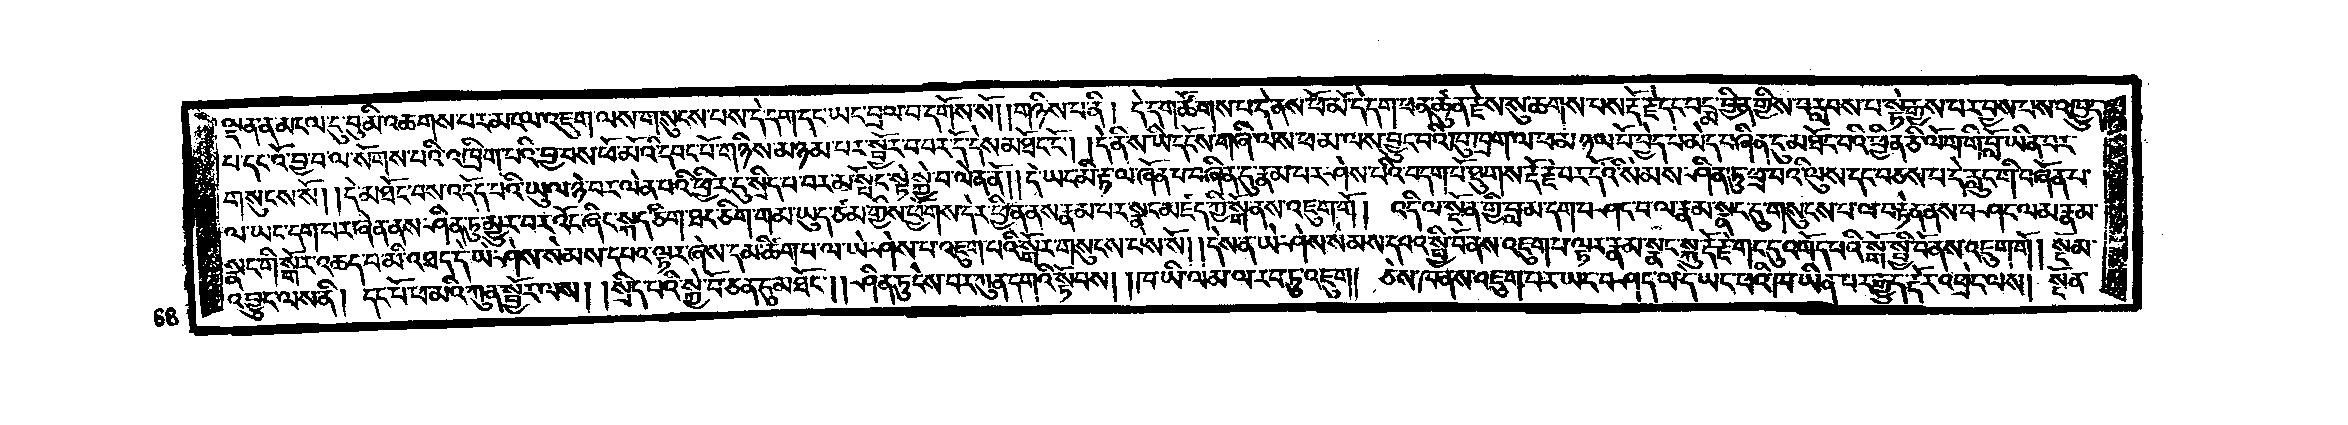ལྡན་ན་མངལ་དུ་བུ་མི་འཆགས་པར་མངལ་འཇུག་ལས་གསུངས་པས་དེ་དག་དང་ཡང་བྲལ་བ་དགོས་སོ། །གཉིས་པ་ནི། དེ་དག་ཚོགས་པ་དེ་ནས་ཕོ་མོ་དེ་དག་ཕན་ཚུན་རྗེས་སུ་ཆགས་པས་རྡོ་རྗེ་དང་པདམ་བྱིན་གྱིས་བརླབས་པ་སྟེ་རྒྱས་པར་བྱས་པས་འཁྱུད་
པ་དང་འོ་བྱ་བ་ལ་སོགས་པའི་འཁྲིག་པའི་བྱ་བས་ཕོ་མོའི་དབང་པོ་གཉིས་མཉམ་པར་སྦྱོར་བ་བར་དོ་དེས་མཐོང་ངོ། །དེ་ནི་ས་ཡི་དངོས་གཞི་ལས་ཕ་མ་ལས་བྱུང་བའི་ཁུ་ཁྲག་ལ་ཕ་མ་ཉལ་པོ་བྱེད་པ་མེད་བཞིན་དུ་མཐོང་བའི་ཕྱིན་ཅི་ལོག་གི་བློ་ཡིན་པར་
གསུངས་སོ། །དེ་མཐོང་བས་འདོད་པའི་ཡུལ་ཉེ་བར་ལེན་པའི་ཕྱིར་དུ་སྲིད་པ་བར་མ་སྤོང་སྟེ་སྐྱེ་བ་ལེན་ནོ། །དེ་ཡང་མི་རྟ་ལ་ཞོན་པ་བཞིན་དུ་རྣམ་པར་ཤེས་པའི་བདག་པོ་ཐུགས་རྡོ་རྗེ་བར་དེའི་སེམས་ཤིན་ཏུ་ཕྲ་བའི་ལུས་དང་བཅས་པ་དེ་རླུང་གི་བཞོན་པ་
ལ་ཡང་དག་པར་ཞེན་ནས་ཤིན་ཏུ་མྱུར་བར་འོང་ཞིང་སྐད་ཅིག་ཐང་ཅིག་གམ་ཡུད་ཙམ་གྱིས་ཕྱོགས་དེར་ཕྱིན་ནས་རྣམ་པར་སྣང་མཛད་ཀྱི་སྒོ་ནས་འཇུག་གོ །འདི་ལ་སྔོན་གྱི་བླ་མ་དག་བཤང་བ་ལ་རྣམ་སྣང་དུ་གསུངས་པ་ལ་བརྟེན་ནས་བཤང་ལམ་རྣམ་
སྣང་གི་སྒོར་འཆད་པ་མི་འཐད་དེ་ཡེ་ཤེས་སེམས་དཔའ་ལྟར་ཞེས་དམ་ཚིག་པ་ལ་ཡེ་ཤེས་པ་འཇུག་པའི་སྒོར་གསུངས་པས་སོ། །དེས་ན་ཡེ་ཤེས་སེམས་དཔའ་སྤྱི་བོ་ནས་འཇུག་པ་ལྟར་རྣམ་སྣང་སྐུ་རྡོ་རྗེ་གང་དུ་འགོད་པའི་སྒོ་སྤྱི་བོ་ནས་འཇུག་གོ །སྡོམ་
འབྱུང་ལས་ནི། དང་པོ་ཕ་མའི་ཀུན་སྦྱོར་ལས། །སྲིད་པའི་སྐྱེ་བོ་ཅན་དུ་མཐོང་། །ཤིན་ཏུ་ངེས་པར་ཀུན་དགའི་སྟོབས། །ཁ་ཡི་ལམ་ལ་རབ་ཏུ་འཇུག །ཅེས་ཁ་ནས་འཇུག་པར་ཡང་བཤད་ལ་དེ་ཡང་ཕའི་ཁ་ཡིན་པར་རྒྱུད་རྡོར་འཕྲེང་ལས། སྔོན་